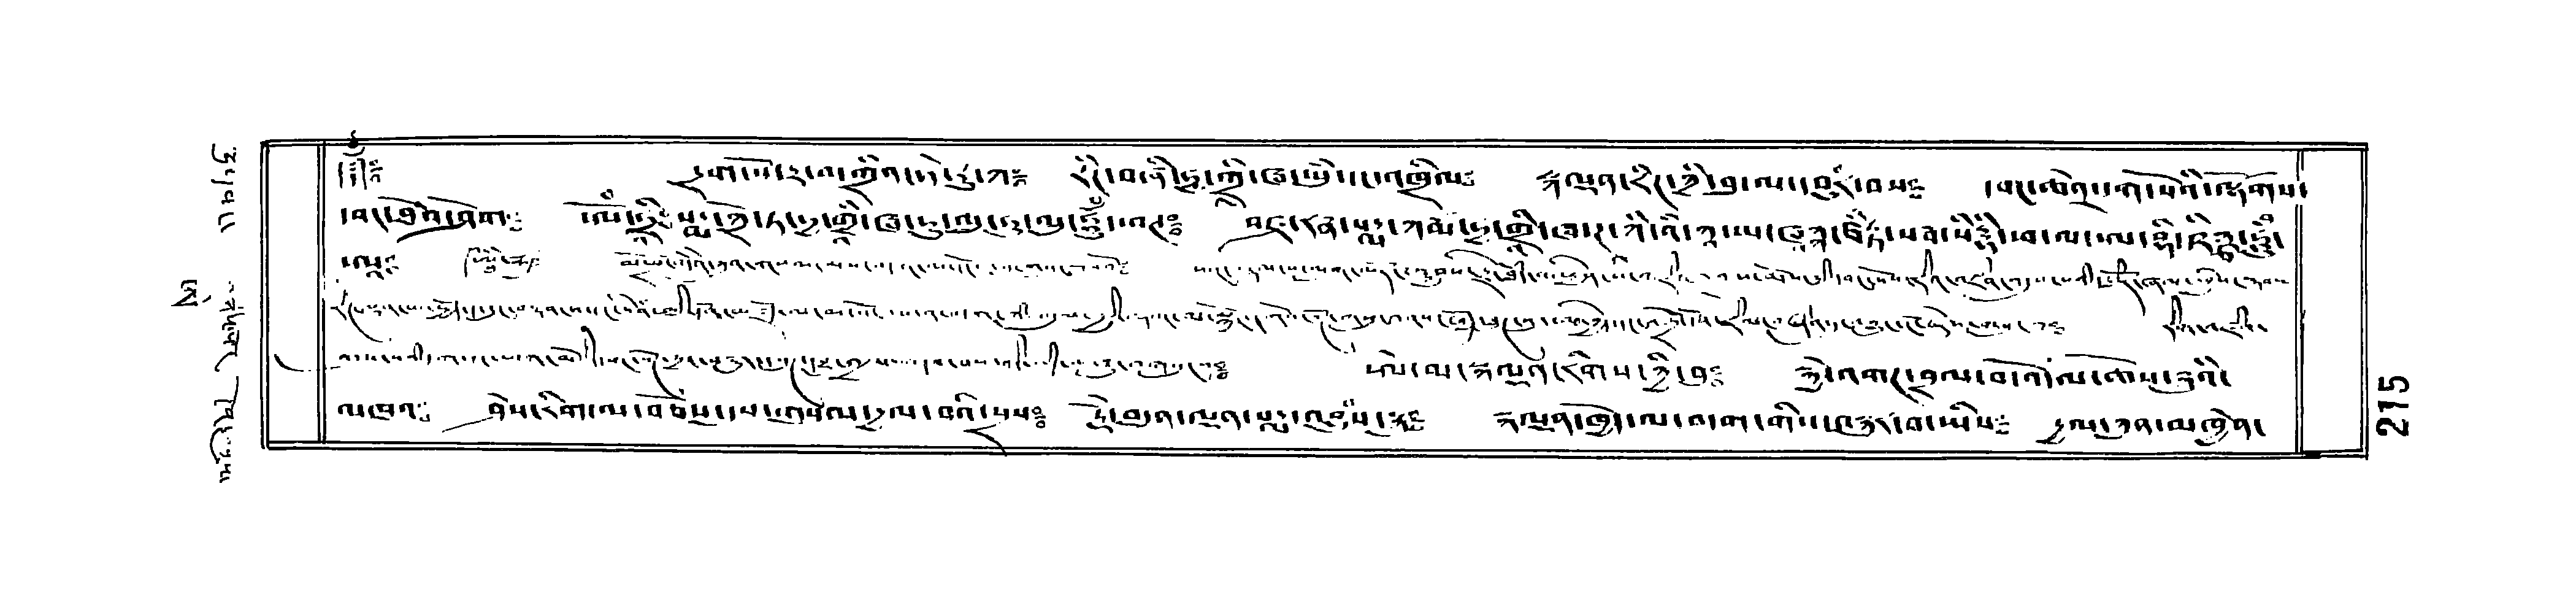དྲག་པོ་རྟ་མགྲིན་ཧེ་རུ་ཀ༔ རིགས་བཞི་ཧྱ་གྲཱི་ཝ་ཡུམ་དང་འཁྲིལ༔ སྐལ་ལྡན་རིགས་ཀྱི་བུ་ལ་དབང་བསྐུར་བས༔ དབང་ཆེན་དྲག་པོའི་ལྷ་ཚོགས་
དབང་ཐོབ་ཤོག༔ ཨོཾ་ཧྲཱིཿཔདྨ་ཀྲོ་ཏ་ཧྱ་གྲཱི་ཝ་ཧུ་ལུ་ཧུ་ལུ་ཧཱུྃ་ཕཊ༔ བཛྲ་རཏྣ་པདྨ་ཀརྨ་ཧྱ་གྲཱི་ཝ་ཌཱ་ཀི་ནི་ཀཱ་ཡ་ཝཱཀྐ་ཙིཏྟ་སརྦ་སིདྡྷི་ཕ་ལ་ཨ་བྷི་རིཉྩ་ཧཱུྃ་
ཨཱཿ་རྒྱ་༔ མཁའ་འགྲོ་བདེ་ཆེན་ཀུན་གསལ་མས་བདག་ལ་དངོས་སུ་གསུངས་བའོ༔ ཡང་བསྐལ་པ་ལུག་ལོར་སྐྱབས་རྗེ་ཐམས་ཅད་མཁྱེན་པ་འཇིགས་བྲལ་ཆོས་ཀྱི་དབང་པོས་རིག་འཛིན་འདུས་པའི་དཀྱིལ་འཁོར་ཞལ་ཕྱེ་སྐབས་
རིགས་ལྡན་པ་ཁྱོད་ད་དུང་བསྟན་པ་དང་སེམས་ཅན་གྱི་དོན་མཛོད་ལ་མ་འོངས་པ་ན་བདག་གི་འདུལ་བྱའི་ལྷག་མ་སྐྱོང་དགོས་སོགས་གསུངས་ནས་ཁྱོད་ཐུགས་སུན་མ་བྱེད་དང་འགྲོ་དོན་རིམ་བཞིན་དུ་འབྱུང་ངོ་ཞེས་གསུངས༔རིག་འཛིན་
འདུས་པའི་དབང་དང་ཕག་མོའི་དབང་སོགས་ཀྱང་བསྐུར་དབུགས་དབྱུངས་རྒྱས་གདབ་བས་འདི་ཡིད་ལ་ཟུངས་གསུངས༔ ཨེ་མ་སྐལ་ལྡན་རིགས་ཀྱི་བུ༔ སྐྱེ་འགག་བྲལ་བ་འོད་གསལ་ཆོས་སྐུའི་
མཁའ༔ ཤེས་རིག་མ་བཅོས་དུས་གསུམ་རྒྱལ་བའི་སྲས༔ རྡོ་རྗེ་བདུན་ལྡན་པདྨ་འབྱུང་གནས་སྐུ༔ སྐལ་ལྡན་ཁྱོད་ལ་བདག་གིས་བསྐུར་བ་ཡིས༔ རྒྱལ་ཀུན་མཁྱེན་